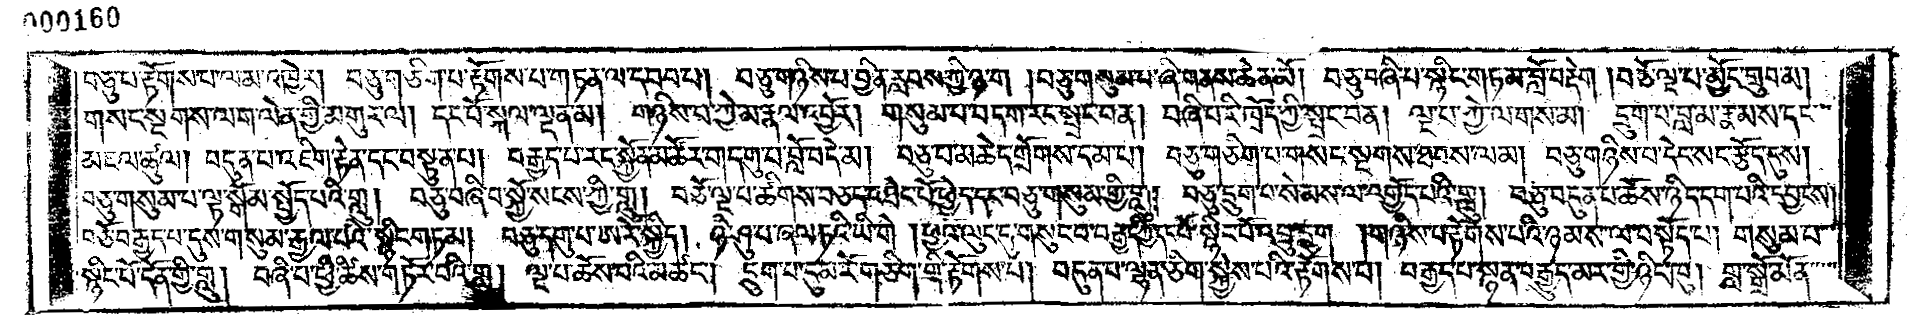བཅུ་པ་རྟོགས་པ་ལམ་འཁྱེར། བཅུ་གཅིག་པ་རྟོགས་པ་གཏན་ལ་དབབ་པ། བཅུ་གཉིས་པ་བྱིན་རླབས་ཀྱི་ཉ་ག །བཅུ་གསུམ་པ་ཞི་གནས་ཆེན་མོ། བཅུ་བཞི་པ་སྙིང་གཏན་བློ་བརྡེག །བཅོ་ལྔ་པ་མྱོང་གྲུབ་མ།
གསང་སྔགས་ལག་ལེན་གྱི་མགུར་ལ། དང་པོ་སྐལ་ལྡན་མ། གཉིས་པ་ཀྱེ་མ་རྣལ་འབྱོར། གསུམ་པ་བདག་རང་སྤྲང་བན། བཞི་པ་རི་ཁྲོད་ཀྱི་སྤྲང་བན། ལྔ་པ་ཀྱེ་ལགས་མ། དྲུག་པ་བླ་མ་རྣམས་དང་
མཇལ་ཚུལ། བདུན་པ་འཇིག་རྟེན་དང་བསྟུན་པ། བརྒྱད་པ་རང་སྐྱོན་མཚོར་བ། དགུ་པ་བློ་བདེ་མ། བཅུ་པ་མཆེད་གྲོགས་དམ་པ། བཅུ་གཅིག་པ་གསང་སྔགས་ཐབས་ལམ། བཅུ་གཉིས་པ་དེང་སང་རྩོད་དུས།
བཅུ་གསུམ་པ་ལྟ་སྒོམ་སྤྱོད་པའི་གླུ། བཅུ་བཞི་པ་སྐྱོ་སངས་ཀྱི་གླུ། བཅོ་ལྔ་པ་ཚིགས་བཅད་མཐེང་པོ་ཕྱེད་དང་བཅུ་གསུམ་གྱི་གླུ། བཅུ་དྲུག་པ་སེམས་ལ་འགྱོད་པའི་གླུ། བཅུ་བདུན་པ་ཆོས་ཉིད་དག་པའི་དབྱངས།
བཅོ་བརྒྱད་པ་དུས་གསུམ་རྒྱལ་པའི་སྙིང་གཏམ། བཅུ་དགུ་པ་ཨ་རེ་སྐྱིད། ཉི་ཤུ་པ་ཞལ་ཏའི་ཡི་གེ །ཕྱའོ་ལུང་དུ་གསུང་པ་བརྒྱད་ཀྱི་དང་པོ་སྙིང་པོ་འབྲུ་དྲུག །གཉིས་པ་རྟོགས་པའི་ཉམས་ལ་བསྟོད་པ། གསུམ་པ་
སྙིང་པོ་དོན་གྱི་གླུ། བཞི་པ་ཕྱི་ཚིས་གཏོར་བའི་གླུ། ལྔ་པ་ཆོས་པའི་མཚང་། དྲུག་པ་དུམ་རོ་གཅིག་གི་རྟོགས་པ། བདུན་པ་ལྷན་ཅིག་སྐྱེས་པའི་རྟོགས་པ། བརྒྱད་པ་སྙན་བརྒྱུད་མར་གྱི་ཉིང་ཁུ། གླ་སྒྲོ་མོན་